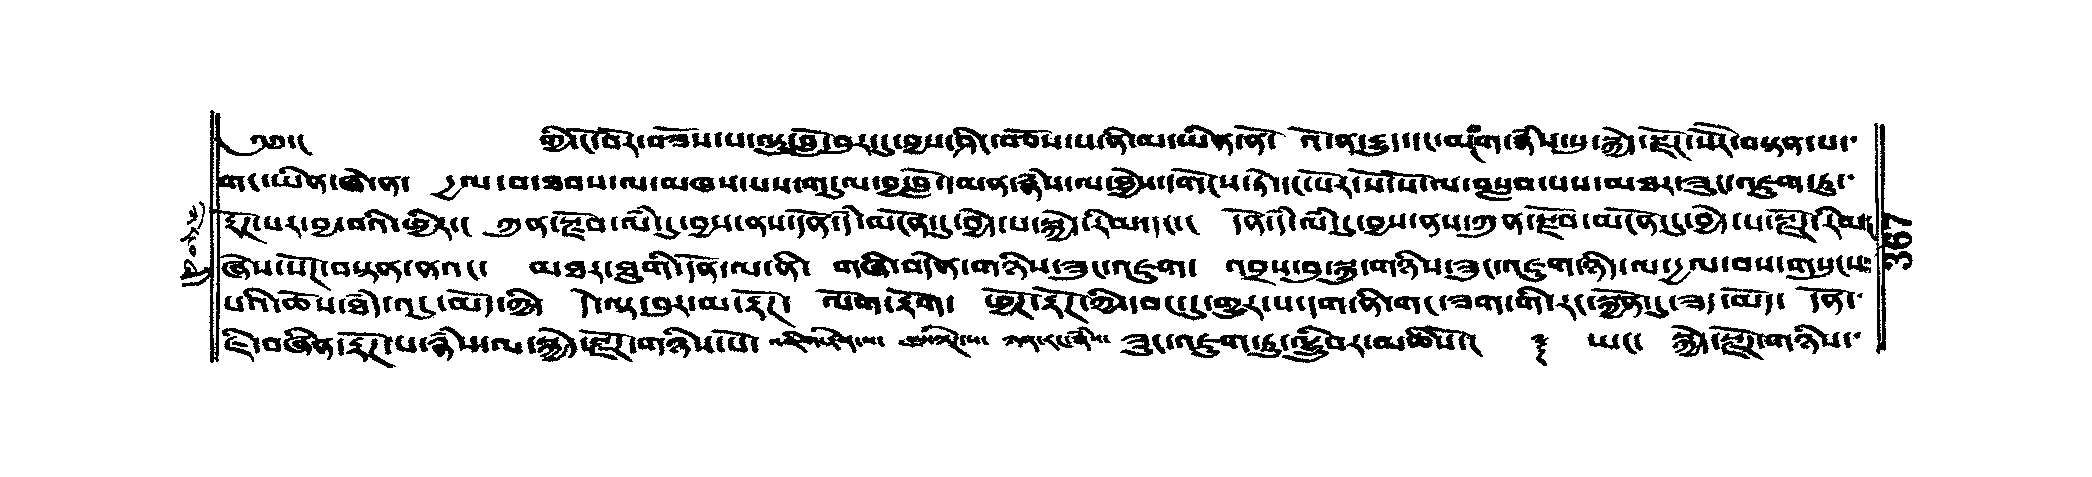གྱི་ངོ་བོར་བཟོས་པ་ལྟ་བུ་བློ་བུར་དུ་བྱས་ཤིང་བཅོས་པ་ནི་མ་ཡིན་ནོ། འོ་ན་རྒྱུད་དང་མན་ངག་རྣམས་སུ་བསྐྱེད་རྫོགས་སོ་སོར་བསྟན་པ་
གང་ཡིན་ཞེ་ན། རྒྱལ་བ་ཐབས་ལ་མཁས་པས་གདུལ་བྱ་བློ་དམན་རྣམས་ལ་ཐུགས་རྗེས་དགོངས་ཏེ་དང་པོར་སོ་སོ་ལ་བསླབས་པས་མཐར་ཟུང་འཇུག་ཏུ་
རྟོགས་པར་བྱ་བའི་ཕྱིར། ཀུན་རྫོབ་ལམ་དུ་བྱས་ནས་དོན་དམ་མངོན་དུ་བྱེད་པ་བསྐྱེད་རིམ་དང་། དོན་དམ་ལམ་དུ་བྱས་ནས་ཀུན་རྫོབ་མངོན་དུ་བྱེད་པ་རྫོགས་རིམ་
ཞེས་སོགས་བསྟན་ནའང་། མཐར་ཐུག་གི་དོན་ལ་ནི། གཞི་བདེན་གཉིས་ཟུང་འཇུག འབྲས་བུ་སྐུ་གཉིས་ཟུང་འཇུག་ཉིད་ལ་རྒྱལ་བས་གསུངས་
པའི་ཆོས་ཐམས་ཅད་འདུ་མོད་ཀྱི། དེ་ལྟ་བུར་མ་རྟོགས་ལོག་རྟོགས་ཕྱོགས་རྟོགས་ཀྱི་དབང་དུ་གྱུར་པ་དག་ནི་གང་ཟག་གི་རང་སྐྱོན་དུ་ཟད་མོད། དོན་
ཇི་བཞིན་རྟོགས་པ་རྣམ་ལ་བསྐྱེད་རྫོགས་གཉིས་པོ་ཟུང་འཇུག་ཏུ་ལྷུན་གྱིས་གྲུབ་པར་མཆིས་སོ། ༈ ཡང་། བསྐྱེད་རྫོགས་གཉིས་